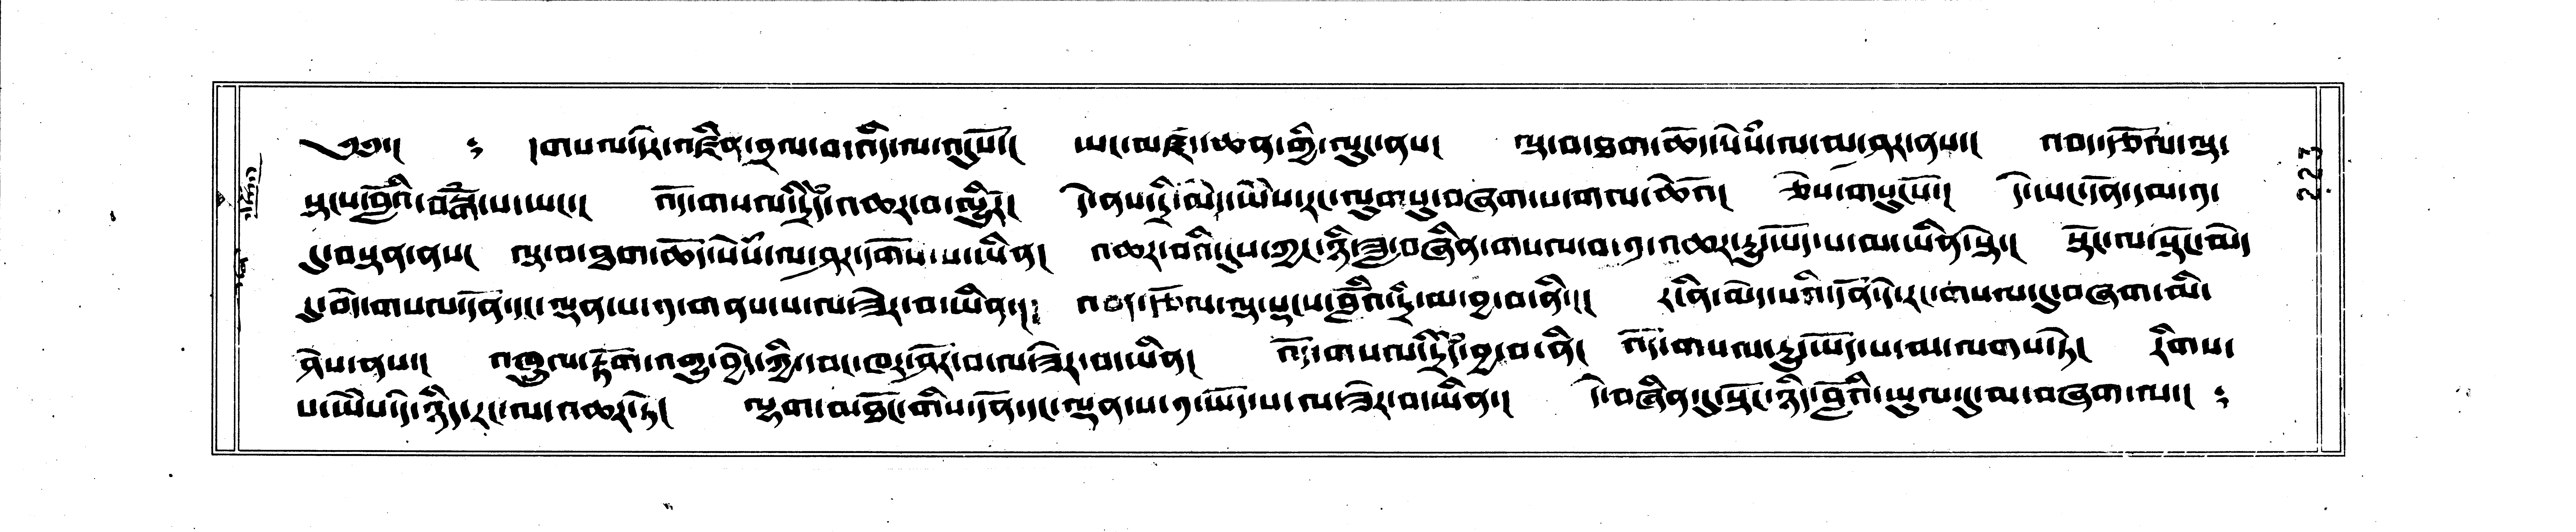གསལ་དེར་འཛིན་བྲལ་བ་འདི་ལས་འདུས་སོ། ཡང་མཛོད་ཆེན་གྱི་ལུང་ནས། ལྟ་བ་ཐག་ཆོད་སེམས་ལ་མ་ཤར་ན། འབད་རྩོད་”རྩོལ”ལྟ་
ལྟང་༼སྟངས༽བློའི་སྒོམ་ན་ཡང་། འོད་གསལ་དྲི་མེད་འཆར་བར་འོང་མི་འགྱུར། དེ་ནས་དྲི་མེད་ཡེ་ཤེས་རང་ལུགས་སུ་བཞག་པ་གལ་ཆེའོ་ཅེས་གསུངས། དེ་ཡང་དོན་དམ་གཅིག་
ཏུ་བསྟན་ན་ལྟ་བ་ཐག་ཆོད་སེམས་ལ་ཤར་དགོས་པ་ཡིན། འཆར་བའི་དུས་ཀྱང་ཉི་ཟླ་བཞིན་གསལ་ཞིང་འཆར་རྒྱུ་ཡོད་པ་མ་ལགས་ཏེ། སྟོང་ལ་རྟོག་མེད་
བདེ་གསལ་དོན་དང་ལྡན་པ་གཅིག་གནས་པ་ལ་ཟེར་བ་ཡིན། འབེད་༼འབད༽རྩོལ་ལྟ་ལྟང་བློའི་དྲི་མ་བྱ་བ་ནི། རང་བཞིན་མེད་པའི་དོན་དེ་རང་གསལ་དུ་བཞག་མི་
ཤེས་ནས། འཁྲུལ་རྟོག་འགྱུ་བྱེད་ཀྱིས་དབང་ཁར་ཤོར་བ་ལ་ཟེར་བ་ཡིན། འོད་གསལ་དྲི་མེད་བྱ་བ་ནི། འོད་གསལ་རྒྱུ་ཡོད་པ་མ་ལགས་ཏེ། རིག་
པའི་ཡེ་ཤེས་དེ་ཉིད་རང་ལ་རང་འཆར་ཏེ། ལྷག་མཐོང་གིས་དོན་དང་ལྡན་པ་གཅིག་ཡོད་པ་ལ་ཟེར་བ་ཡིན། དེ་བཞིན་སྟོང་ཉིད་བློ་ཡུལ་དུ་མ་བཞག་ལ།